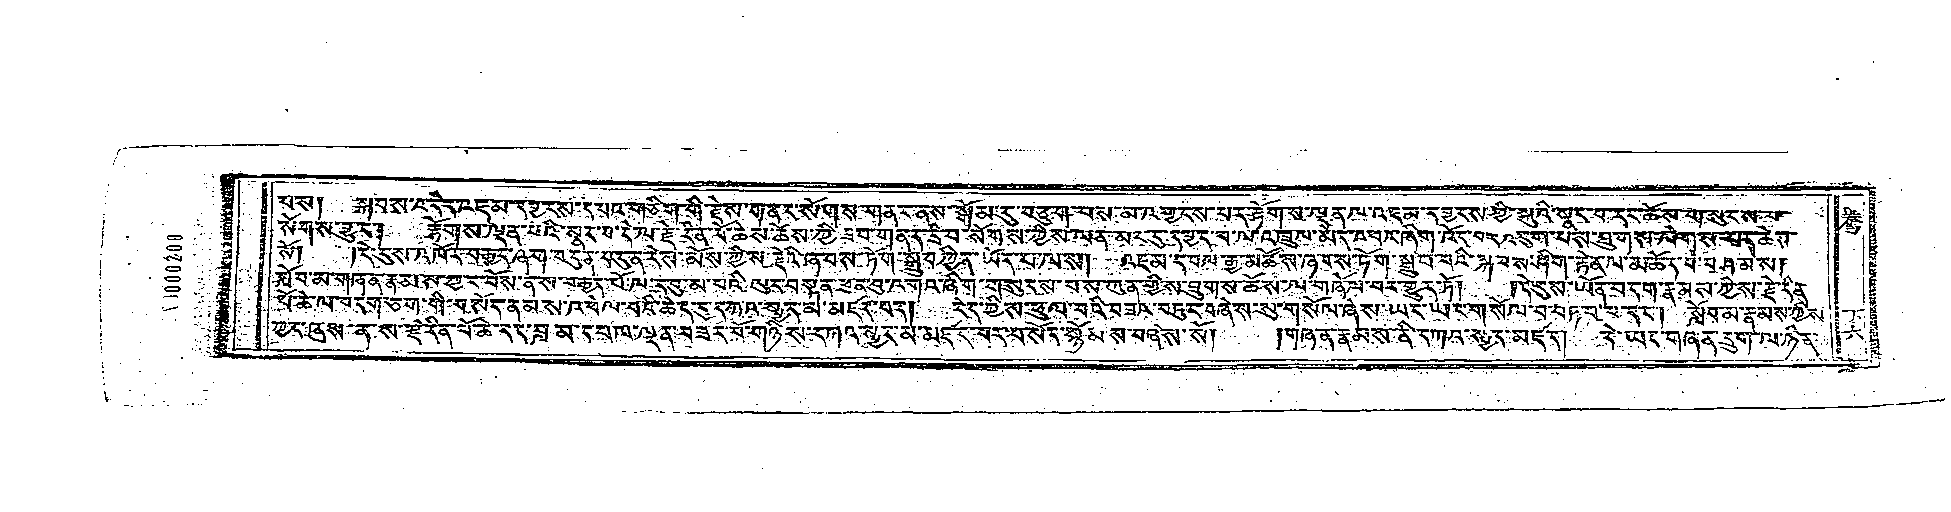པས། སྐབས་འདིར་འཇམ་དབྱངས་དཔའ་གཅིག་གི་རྗེས་གནང་སོགས་གནང་ནས་སྒོམ་དུ་བཅུག་བས་མ་འབྱངས་པར་རྟོགས་ལྡན་ལ་འཇམ་དབྱངས་ཀྱི་སྐུའི་སྣང་བ་དང་ཆོས་གསུངས་པ་
སོགས་བྱུང་། རྟོགས་ལྡན་པའི་སྣང་བ་དེ་ལ་རྗེ་རིན་པོ་ཆེས་ཆོས་ཀྱི་ཟབ་གནད་དྲི་བ་སོགས་ཀྱིས་ལན་མང་དུ་དཔྱད་པ་ལ་འཁྲུལ་མེད་འབའ་ཞིག་འོད་བར་འདུག་པས་ཐུགས་ལེགས་པར་ཆེས་
སོ། །དེ་དུས་འཁོར་བརྒྱད་ཞག་བདུན་བདུན་རེས་མོས་ཀྱིས་རྗེའི་ཞབས་ཏོག་སྒྲུབ་ཀྱིན་ཡོད་པ་ལས། འཇམ་དཔལ་རྒྱ་མཚོས་ཞབས་ཏོག་སྒྲུབ་པའི་སྐབས་ཤིག་རྟེན་ལ་མཆོད་པ་བཤམས།
སློབ་མ་གཞན་རྣམས་ཀྱང་བོས་ནས་བརྒྱད་པོ་ལ་དབུ་མ་པའི་ལུང་བསྟན་ཕྲན་བུ་འགའ་ཞིག་གསུངས་པས་ཀུན་གྱིས་ཐུགས་ཆོས་ལ་གཞོལ་བར་གྱུར་ཏོ། །དེ་དུས་ཡོན་བདག་རྣམས་ཀྱིས་རྗེ་རིན་
པོ་ཆེ་ལ་བདག་ཅག་གི་བསོད་ནམས་འཕེལ་བའི་ཆེད་དུ་དཀའ་སྤྱད་མ་མཛད་བར། ངེད་ཀྱིས་ཕུལ་བའི་བཟའ་བཏུང་བཞེས་སུ་གསོལ་ཞེས་ཡང་ཡང་གསོལ་བ་བཏབ་པ་དང་། སློབ་མ་རྣམས་ཀྱིས་
ཀྱང་ཞུས་ན་ས་རྗེ་རིན་པོ་ཆེ་དང་བླ་མ་དཔལ་ལྡན་བཟང་བོ་གཉིས་དཀའ་སྤྱད་མ་མཛད་བར་བསོད་སྙོམས་བཞེས་སོ། །གཞན་རྣམས་ནི་དཀའ་སྤྱད་མཛད། དེ་ཡང་གཞན་དྲུག་ལ་ཉིན་